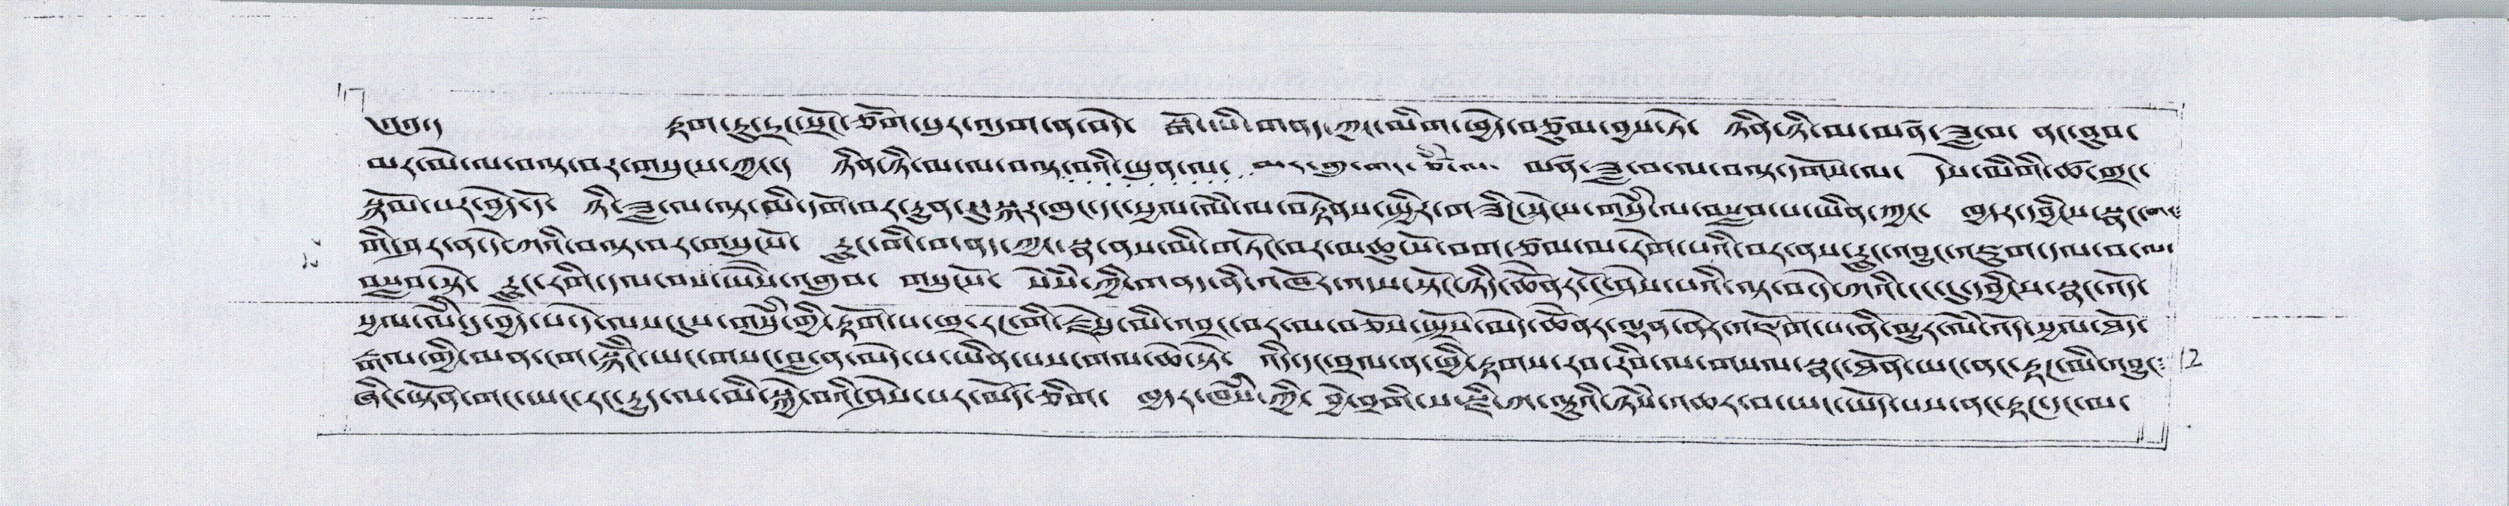རྟག་ཏུ་དྲང་སྲོང་ཙོག་པུར་འདུག་ན་བདེ། སྒོ་ཡི་གནད་ཀྱང་མིག་ཕྱེད་བཙུམས་བྱས་ཏེ། ཉིན་ཉི་མ་མཚན་ཟླ་བ། ནང་ནུབ་
མར་མེ་ལ་བལྟ་བར་གསུངས་ཀྱང་། ཉིན་ཉི་མ་ལ་ལྟ་བའི་ཡུན་ལ་༼མར་གྲུ་གང་ཙམ་ལ༽མཚན་ཟླ་བ་ལ་བལྟ་དགོས་ལ། དེས་མིག་གི་ཚ་གྲང་
སྙོམས་པར་བྱེད་དོ། ཉི་ཟླ་ལ་ལྟ་མི་དགོས་པར་རྒྱུན་དུ་སྐར་ཁུང་དང་གསལ་ལམ་ལ་བརྟེན་ནས་སྤྱིར་གཟིགས་སྟངས་གསུམ་ལ་བསླབ་པ་ཡིན་ཀྱང་། ཁྱད་པར་དབྱིངས་སྣང་གང་
གི་ཤར་ན་དེ་ཀའི་ལྟ་བར་གསུངས་སོ། རླུང་གི་གནད་ཀྱང་སྣ་ནས་མི་གཏོང་བར་མཆུ་སོ་བག་ཙམ་ལ་རེག་པའི་བར་ནས་རླུང་འབྱུང་འཇུག་དལ་བ་ལ་
བསླབ་སྟེ། རླུང་རིག་དལ་བས་ཡེ་ཤེས་འགྲུབ་གསུངས་སོ། སེམས་ཀྱི་གནད་ནི་འཁོར་འདས་སྟོང་ཉིད་ཆེན་པོར་ངོ་ཤེས་པའི་ལྟ་བ་དེ་ཀའི་ངང་དུ་དབྱིངས་སྣང་འོད་
གསལ་ལམ་དུ་བྱེད་པ་དེ་ལས་དུས་གསུམ་གྱི་རྟོག་པ་ཕྲ་རགས་ཀྱི་རྗེས་སུ་མི་འབྲང་བར་མ་བཅོས་སྤྲོས་མེད་ཆེན་པོར་ལྷན་ནེར་འཇོག་པ་ནི་མྱུར་ལམ་འོད་གསལ་ཐོད་
རྒལ་གྱི་མན་ངག་སྙིང་པོ་ཡང་གསང་བླ་ན་མེད་པ་ཡིན་པས་གལ་ཆེ་སྟེ། འདི་དང་བྲལ་ན་ཕྱི་རྟགས་རབ་རིམ་ལ་གསལ་སྣང་ཐོན་ཡང་ནང་རྟགས་མི་འབྱུང་
ཞིང་ཡོན་ཏན་གང་ཡང་རང་རྒྱུད་ལ་མི་སྐྱེ་བའི་ཤེས་པར་མཛོད་ཅིག ཁྱད་པར་ཁམས་ཀྱི་བྱེ་བྲག་གི་ས་རྫི་ཀ་ལྟ་བུའི་ཉམས་འཆར་བ་ཡང་ཡོད་པས་ནང་རྟགས་དང་མ་